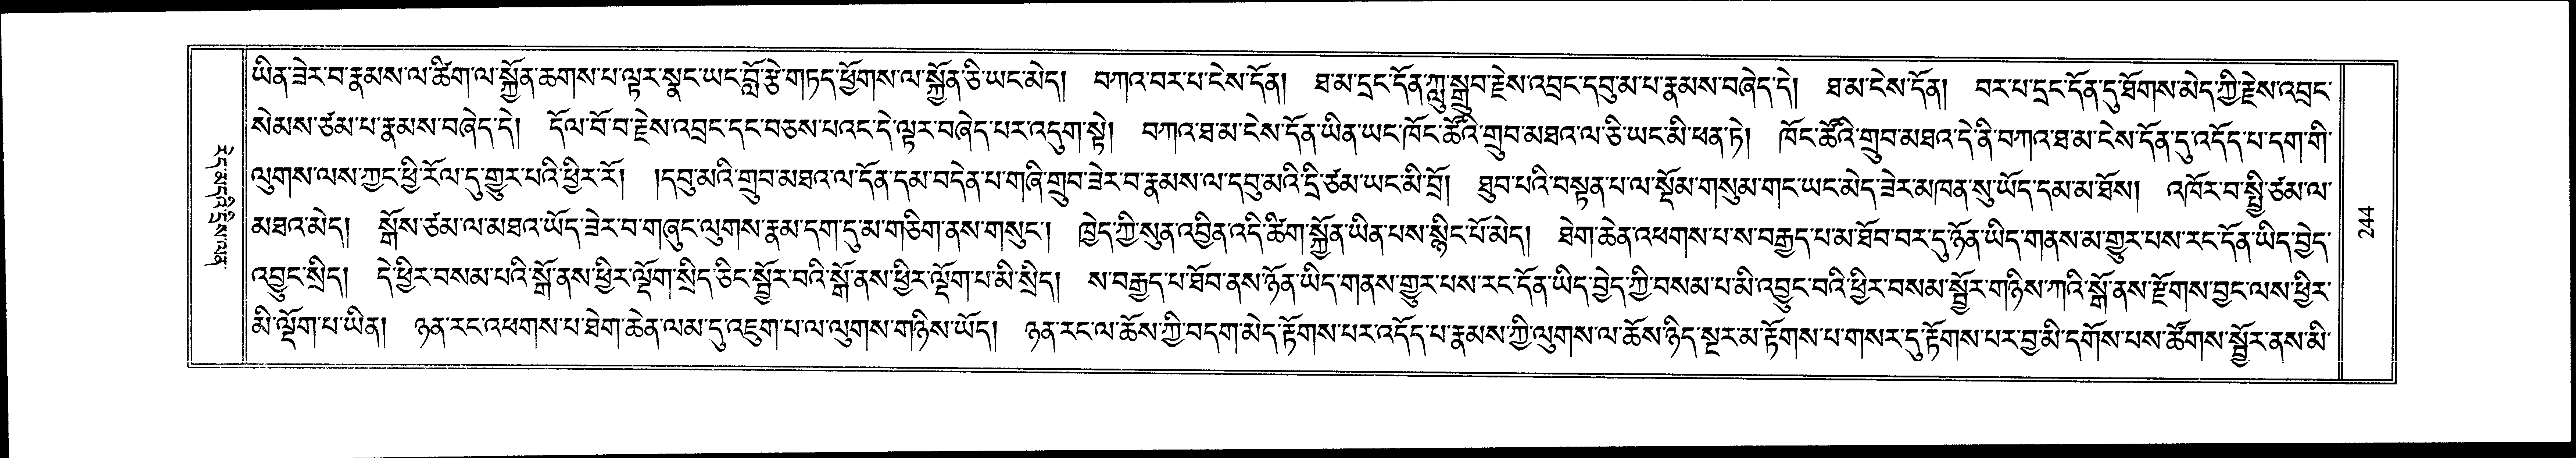ཡིན་ཟེར་བ་རྣམས་ལ་ཚིག་ལ་སྐྱོན་ཆགས་པ་ལྟར་སྣང་ཡང་བློ་རྩེ་གཏད་ཕྱོགས་ལ་སྐྱོན་ཅི་ཡང་མེད། བཀའ་བར་པ་ངེས་དོན། ཐ་མ་དྲང་དོན་ཀླུ་སྒྲུབ་རྗེས་འབྲང་དབུ་མ་པ་རྣམས་བཞེད་དེ། ཐ་མ་ངེས་དོན། བར་པ་དྲང་དོན་དུ་ཐོགས་མེད་ཀྱི་རྗེས་འབྲང་
སེམས་ཙམ་པ་རྣམས་བཞེད་དེ། དོལ་བོ་བ་རྗེས་འབྲང་དང་བཅས་པའང་དེ་ལྟར་བཞེད་པར་འདུག་སྟེ། བཀའ་ཐ་མ་ངེས་དོན་ཡིན་ཡང་ཁོང་ཚོའི་གྲུབ་མཐའ་ལ་ཅི་ཡང་མི་ཕན་ཏེ། ཁོང་ཚོའི་གྲུབ་མཐའ་དེ་ནི་བཀའ་ཐ་མ་ངེས་དོན་དུ་འདོད་པ་དག་གི་
ལུགས་ལས་ཀྱང་ཕྱི་རོལ་དུ་གྱུར་པའི་ཕྱིར་རོ། །དབུ་མའི་གྲུབ་མཐའ་ལ་དོན་དམ་བདེན་པ་གཞི་གྲུབ་ཟེར་བ་རྣམས་ལ་དབུ་མའི་དྲི་ཙམ་ཡང་མི་བྲོ། ཐུབ་པའི་བསྟན་པ་ལ་སྡོམ་གསུམ་གང་ཡང་མེད་ཟེར་མཁན་སུ་ཡོད་དམ་མ་ཐོས། འཁོར་བ་སྤྱི་ཙམ་ལ་
མཐའ་མེད། སྒོས་ཙམ་ལ་མཐའ་ཡོད་ཟེར་བ་གཞུང་ལུགས་རྣམ་དག་དུ་མ་གཅིག་ནས་གསུང་། ཁྱེད་ཀྱི་སུན་འབྱིན་འདི་ཚིག་སྐྱོན་ཡིན་པས་སྙིང་པོ་མེད། ཐེག་ཆེན་འཕགས་པ་ས་བརྒྱད་པ་མ་ཐོབ་བར་དུ་ཉོན་ཡིད་གནས་མ་གྱུར་པས་རང་དོན་ཡིད་བྱེད་
འབྱུང་སྲིད། དེ་ཕྱིར་བསམ་པའི་སྒོ་ནས་ཕྱིར་ལྡོག་སྲིད་ཅིང་སྦྱོར་བའི་སྒོ་ནས་ཕྱིར་ལྡོག་པ་མི་སྲིད། ས་བརྒྱད་པ་ཐོབ་ནས་ཉོན་ཡིད་གནས་གྱུར་པས་རང་དོན་ཡིད་བྱེད་ཀྱི་བསམ་པ་མི་འབྱུང་བའི་ཕྱིར་བསམ་སྦྱོར་གཉིས་ཀའི་སྒོ་ནས་རྫོགས་བྱང་ལས་ཕྱིར་
མི་ལྡོག་པ་ཡིན། ཉན་རང་འཕགས་པ་ཐེག་ཆེན་ལམ་དུ་འཇུག་པ་ལ་ལུགས་གཉིས་ཡོད། ཉན་རང་ལ་ཆོས་ཀྱི་བདག་མེད་རྟོགས་པར་འདོད་པ་རྣམས་ཀྱི་ལུགས་ལ་ཆོས་ཉིད་སྔར་མ་རྟོགས་པ་གསར་དུ་རྟོགས་པར་བྱ་མི་དགོས་པས་ཚོགས་སྦྱོར་ནས་མི་